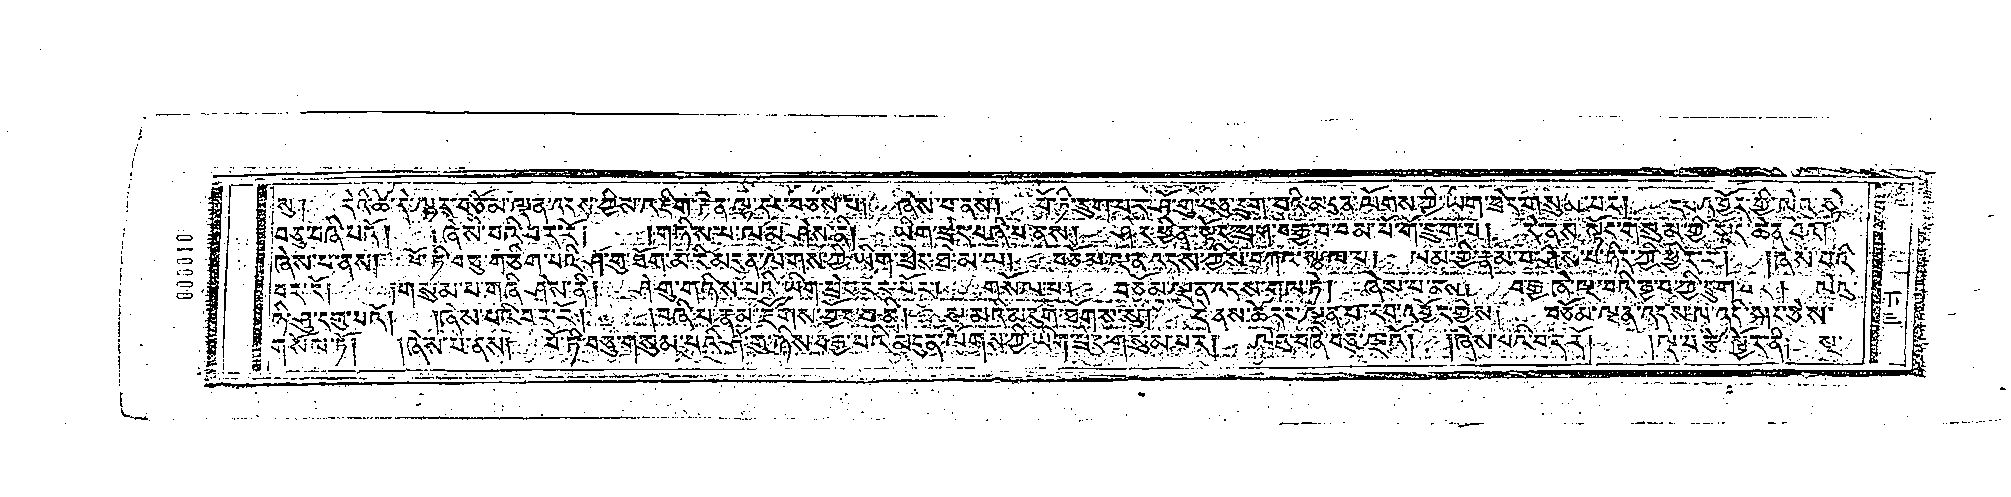སུ། དེའི་ཚེ་དེ་ལྟར་བཅོམ་ལྡན་འདས་ཀྱིས་འཇིག་རྟེན་ལྷ་དང་བཅས་པ། ཞེས་པ་ནས། པོ་ཏི་དྲུག་པར་ཤོ་གུ་བཅུ་དྲུག་པའི་མདུན་ལོགས་ཀྱི་ཡིག་ཕྲེང་གསུམ་པར། རབ་འབྱོར་གྱི་ལེའུ་སྟེ་
བཅུ་བཞི་པའོ། །ཞེས་པའི་བར་རོ། །གཉིས་པ་ལམ་ཤེས་ནི། ཡིག་ཕྲེང་བཞི་པ་ནས། ཤེར་ཕྱིན་སྟོང་ཕྲག་བརྒྱ་བ་བམ་པོ་གོ་དྲུག་པ། དེ་ནས་སྟོང་གསུམ་གྱི་སྟོང་ཆེན་པོའོ།
ཞེས་པ་ནས། པོ་ཏི་བཅུ་གཅིག་པའི་ཤོ་གུ་ཐོག་མའི་མདུན་ལོགས་ཀྱི་ཡིག་ཕྲེང་ཐ་མ་ལ། བཅོམ་ལྡན་འདས་ཀྱིས་བཀའ་སྩལ་པ། ལམ་གྱི་རྣམ་བ་ཤེས་པ་ཉིད་ཀྱི་ཕྱིར་རོ། །ཞེས་པའི་
བར་རོ། །གསུམ་པ་གཞི་ཤེས་ནི། ཤོ་གུ་གཉིས་པའི་ཡིག་ཕྲེང་དང་པོར། གསོལ་བ། བཅོམ་ལྡན་འདས་གལ་ཏེ། ཞེས་པ་ནས། བརྒྱ་ཞེ་ལྔ་བའི་རྒྱབ་ཀྱི་དྲུག་པར། ལེའུ་
ཉི་ཤུ་དགུ་པའོ། །ཞེས་པའི་བར་རོ། །བཞི་པ་རྣམས་རྫོགས་བྱང་བ་ནི། སྔ་མའི་མཇུག་ཐོགས་སུ། དེ་ནས་ཚེ་དང་ལྡན་བ་རབ་འབྱོར་གྱིས། བཅོམ་ལྡན་འདས་ལ་འདི་སྐད་ཅེས་
གསོལ་ཏོ། །ཞེས་པ་ནས། བོ་ཏི་བཅུ་གསུམ་པའི་ཤོ་གུ་ཉིས་བརྒྱ་བའི་མདུན་ལོགས་ཀྱི་ཡིག་ཕྲེང་གསུམ་པར། ལེའུ་བཞི་བཅུ་ལྔའོ། །ཞེས་པའི་བར་རོ། །ལྔ་པ་རྩེ་སྦྱོང་ནི། སྔ་